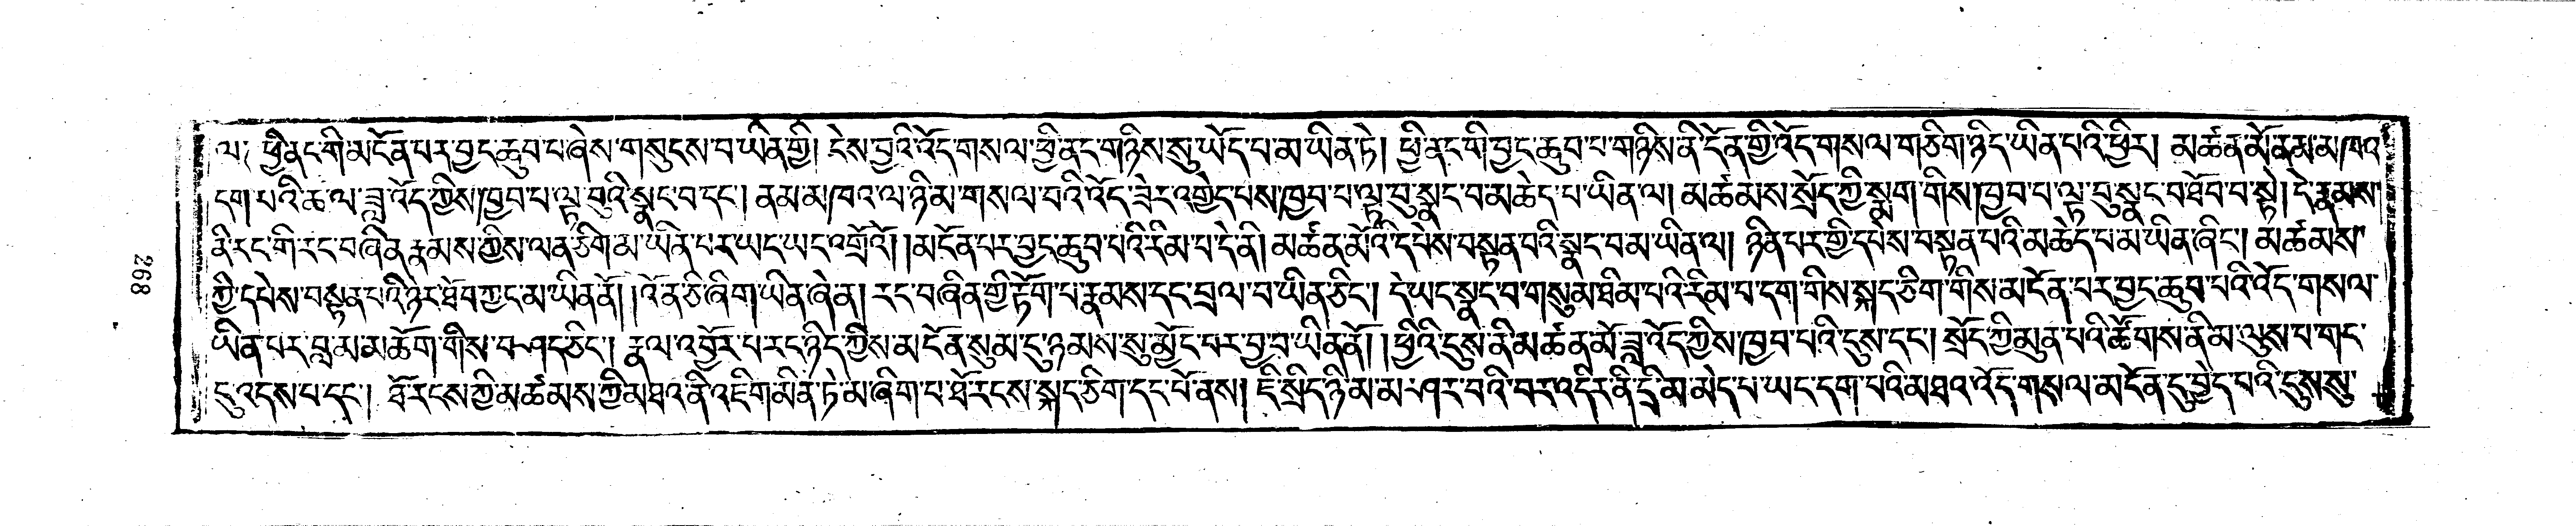ལ། ཕྱི་ནང་གི་མངོན་པར་བྱང་ཆུབ་པ་ཞེས་གསུངས་པ་ཡིན་གྱི། ངེས་བྱའི་འོད་གསལ་ཕྱི་ནང་གཉིས་སུ་ཡོད་པ་མ་ཡིན་ཏེ། ཕྱི་ནང་གི་བྱང་ཆུབ་པ་གཉིས་ནི་དོན་གྱི་འོད་གསལ་གཅིག་ཉིད་ཡིན་པའི་ཕྱིར། མཚན་མོ་ནམ་མཁའ་
དག་པའི་ཆ་ལ་ཟླ་འོད་ཀྱིས་ཁྱབ་པ་ལྟ་བུའི་སྣང་བ་དང་། ནམ་མཁའ་ལ་ཉི་མ་གསལ་བའི་འོད་ཟེར་འགྱེད་པས་ཁྱབ་པ་ལྟ་བུ་སྣང་བ་མཆེད་པ་ཡིན་ལ། མཚམས་སྲོད་ཀྱི་སྨག་གིས་ཁྱབ་པ་ལྟ་བུ་སྣང་བ་ཐོབ་པ་སྟེ། དེ་རྣམས་
ནི་རང་གི་རང་བཞིན་རྣམས་ཀྱིས་ལན་ཅིག་མ་ཡིན་པར་ཡང་ཡང་འགྲོའོ། །མངོན་པར་བྱང་ཆུབ་པའི་རིམ་པ་དེ་ནི། མཚན་མོའི་དཔེས་བསྟན་པའི་སྣང་བ་མ་ཡིན་ལ། ཉིན་པར་གྱི་དཔེས་བསྟན་པའི་མཆེད་པ་མ་ཡིན་ཞིང་། མཚམས་
ཀྱི་དཔེས་བསྟན་པའི་ཉེར་ཐོབ་ཀྱང་མ་ཡིན་ནོ། །འོ་ན་ཅི་ཞིག་ཡིན་ཞེ་ན། རང་བཞིན་གྱི་རྟོག་པ་རྣམས་དང་བྲལ་བ་ཡིན་ཅིང་། དེ་ཡང་སྣང་བ་གསུམ་ཐིམ་པའི་རིམ་པ་དག་གིས་སྐད་ཅིག་གིས་མངོན་པར་བྱང་ཆུབ་པའི་འོད་གསལ་
ཡིན་པར་བླ་མ་མཆོག་གིས་བཤད་ཅིང་། རྣལ་འབྱོར་པ་རང་ཉིད་ཀྱིས་མངོན་སུམ་དུ་ཉམས་སུ་མྱོང་བར་བྱ་བ་ཡིན་ནོ། །ཕྱིའི་དུས་ནི་མཚན་མོ་ཟླ་འོད་ཀྱིས་ཁྱབ་པའི་དུས་དང་། སྲོད་ཀྱི་མུན་པའི་ཚོགས་ནི་མ་ལུས་པ་གང་
དུ་འདས་པ་དང་། ཐོ་རངས་ཀྱི་མཚམས་ཀྱི་མཐའ་ནི་འཇིག་མིན་ཏེ་མ་ཞིག་པ་ཐོ་རངས་སྐད་ཅིག་དང་པོ་ནས། ཇི་སྲིད་ཉི་མ་མ་ཤར་བའི་བར་འདིར་ནི་དྲི་མ་མེད་པ་ཡང་དག་པའི་མཐའ་འོད་གསལ་མངོན་དུ་བྱེད་པའི་དུས་སུ་